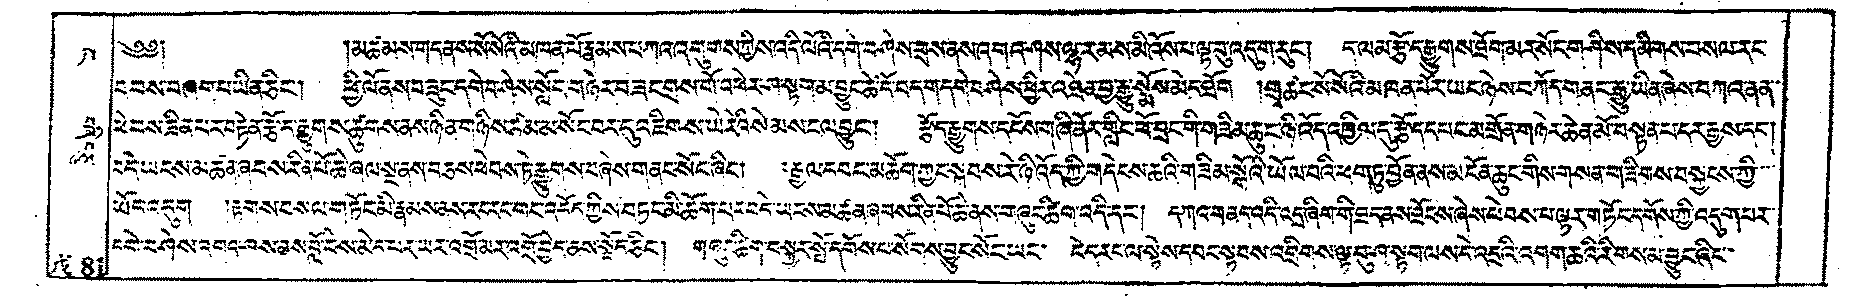༄༅། །མཚམས་གདན་ས་སོ་སོའི་མཁན་པོ་རྣམས་བཀའ་འགུགས་ཀྱིས་འདི་ལོའི་དགེ་བཤེས་གྲས་ནས་འགའ་ཤས་ལྷ་རམས་མི་འོས་པ་ལྟ་བུ་འདུག་རུང་། ད་ལམ་རྩོད་རྒྱུགས་ཐོག་མར་སོང་གཤིས་དམིགས་བསལ་རང་
བབས་བཞག་པ་ཡིན་ཅིང་། ཕྱི་ལོ་ནས་བཟུང་དགེ་བཤེས་སློབ་གཉེར་བཟང་གྲས་གོ་འཕེར་ཤ་སྟག་མ་བྱུང་ཚེ་དོ་བདག་དགེ་བཤེས་ཕྱིར་འཐེན་བྱ་རྒྱུ་སྨོས་མེད་ཐོག །གྲྭ་ཚང་སོ་སོའི་མཁན་པོར་ཡང་ཉེས་བཀོད་གནང་རྒྱུ་ཡིན་ཞེས་བཀའ་ནན་
ཕེབས་ཟིན་པར་བརྟེན་རྩོད་རྒྱུགས་ཚུགས་ནས་ཉིན་གཉིས་ཙམ་མ་སོང་བར་དུ་འཇིགས་ཡེ་རེའི་སེམས་ངལ་བྱུང་། རྩོད་རྒྱུགས་དངོས་གཞི་ནོར་གླིང་ཕོ་བྲང་གི་གཟིམ་ཆུང་ཉི་འོད་འཁྱིལ་དུ་རྩོད་དཔང་མགྲོན་གཉེར་ཆེན་མོ་བསྟན་པ་དར་རྒྱས་དང་།
བདེ་ཡངས་མཚན་ཞབས་རིན་པོ་ཆེ་ཞལ་སྔ་ནས་བཅས་ཕེབས་ཏེ་རྒྱུགས་བཞེས་གནང་སོང་ཞིང་། ༧རྒྱལ་དབང་མཆོག་ཀྱང་སྐབས་རེ་ཉི་འོད་ཀྱི་གདེངས་ཆའི་གཟིམ་སྒོའི་ཡོལ་བའི་ཕག་ཏུ་བྱོན་ནས་མངོན་ཆུང་གིས་གསན་གཟིགས་བསྐྱངས་ཀྱི་
ཡོད་འདུག །རྟགས་བསལ་གཏོང་མི་རྣམས་ནས་རང་རང་གང་འདོད་ཀྱིས་བཏང་མི་ཆོག་པར་བདེ་ཡངས་མཚན་ཞབས་རིན་པོ་ཆེ་ནས་གཞུང་ཚིག་འདི་དང་། དཀའ་གནད་འདི་འདྲ་ཞིག་གི་ཐད་ནས་ཐོངས་ཞེས་ཕེབས་པ་ལྟར་གཏོང་དགོས་ཀྱི་འདུག་པར་
དགེ་བཤེས་འགའ་ཤས་ནས་བློ་ངེས་མེད་པར་ཡར་འགྲོ་མར་འགྲོ་བྱེད་ནས་སྡོད་ཅིང་། གཞུང་ཚིག་བསྐྱར་སྤོ་དགོས་པ་སོགས་བྱུང་སོང་ཡང་། ངེད་རང་ལ་སྟེས་དབང་སྟབས་འགྲིགས་ལྟ་བུ་ཤ་སྟག་ལས་དེ་འདྲའི་འགག་ཆའི་རིགས་མ་བྱུང་ཞིང་